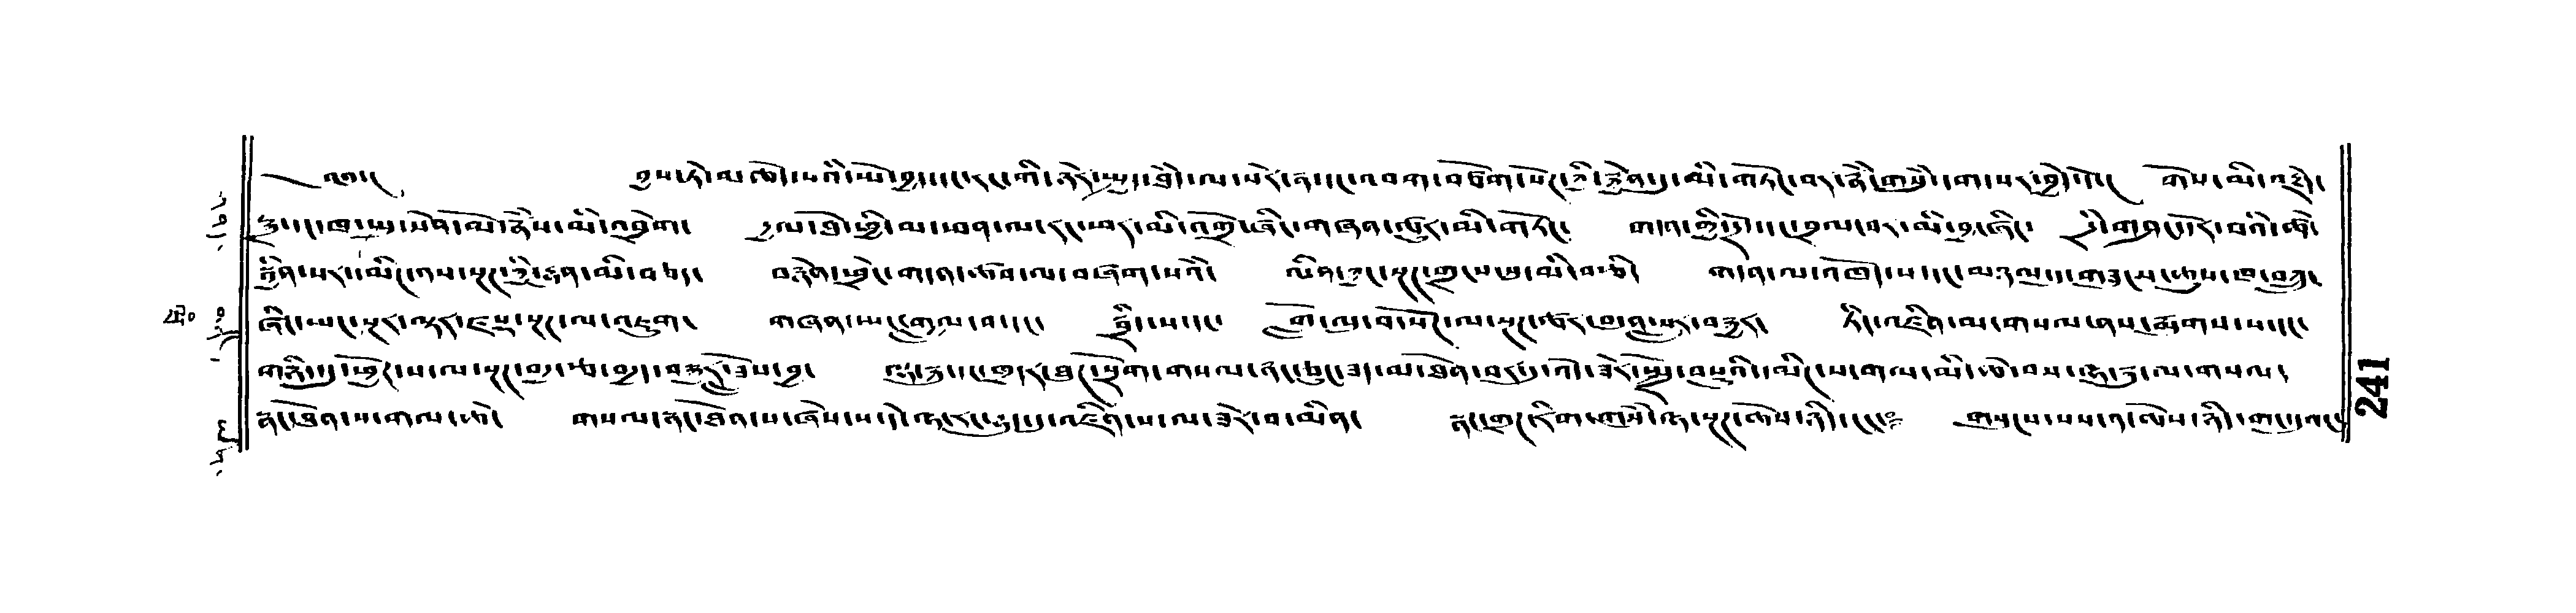བྱས་ཏེ་མཆོད་པའི་ཡོ་བྱད་དང་རང་གི་ཉེར་སྤྱད་ཐམས་ཅད་ལ་སེར་སྣ་དང་འབག་བཙོག་སོགས་ཀྱི་རྐྱེན་དུ་མི་གཏོང་བར་རྣམ་གསུམ་དག་པར་བྱེད་དོ། གོས་མི་བརྗེ་
སྐྲ་དང་ཁ་སྤུ་སེན་མོ་རྣམས་མི་འབྲེག རྒྱལ་ཐོ་ཕྱི་མ་ཕན་ལ་རང་ཕར་མི་འགྲོ་ཞིང་གཞན་ཚུར་མི་གཏོང་། གདན་གྱི་དྲོད་དང་བྲལ་བར་མི་བྱ་ཞིང་། དྲི་གཤང་དོར་བའི་ཚེ་
སྦྱིན་པར་དམིགས་ནས་སྔགས་ཀྱི་རྒྱུན་མི་བཅད། བསྙེན་ཕྲེང་གདན་ཚབ་ལ་བཞག་པའམ། མིན་ཀྱང་སྔགས་གྲངས་སུ་མི་བརྩི། གདན་ལ་འཁོད་པ་དང་མཉམ་དུ་གཟུངས་ཆུས་ཁ་བཀྲུ་
ཞིང་ཡང་སྔར་ལྟར་འཛབ་སྔགས་ལ་འཇུག གཞན་ཡང་གླལ་བ་དང་། སྦྲིད་པ་དང་། གློ་ལུ་བ་སོགས་ལ་སྔགས་ཚར་བདུན་སླར་བསྐྱར། ཏིང་འཛིན་མ་གསལ་ནས་རྨུགས་པ་དང་
གཉིད་དུ་ཕྱོགས་པ་ལ་སྔགས་བརྒྱ་རྩ་བརྒྱད་བསྐྱར་ཟློས་བྱ། ལྷ་སྐུ་དང་ཁྱད་པར་ཐུགས་སྲོག་གསལ་སྣང་ཅུང་ཟད་མ་ཐོན་བར་དུ་འོད་ཟེར་སྤྲོ་བསྡུའི་དམིགས་པ་གལ་མི་ཆེ་བས་ལྷ་སྐུ་ལ་གསལ་
སྣང་ཐོན་པ་གལ་ཆེ། གསལ་སྣང་ཐོན་པ་ཞེས་པ་དེ་ལྷ་རང་རྒྱུད་དུ་འཛིན་པ་ལ་ཟེར་བ་མིན། སྣང་གྲགས་རིག་གསུམ་ལྷ་སྔགས་ཆོས་ཉིད་ངང་། གསུངས་པས་ན་ཆོས་ཉིད་གང་དུའང་